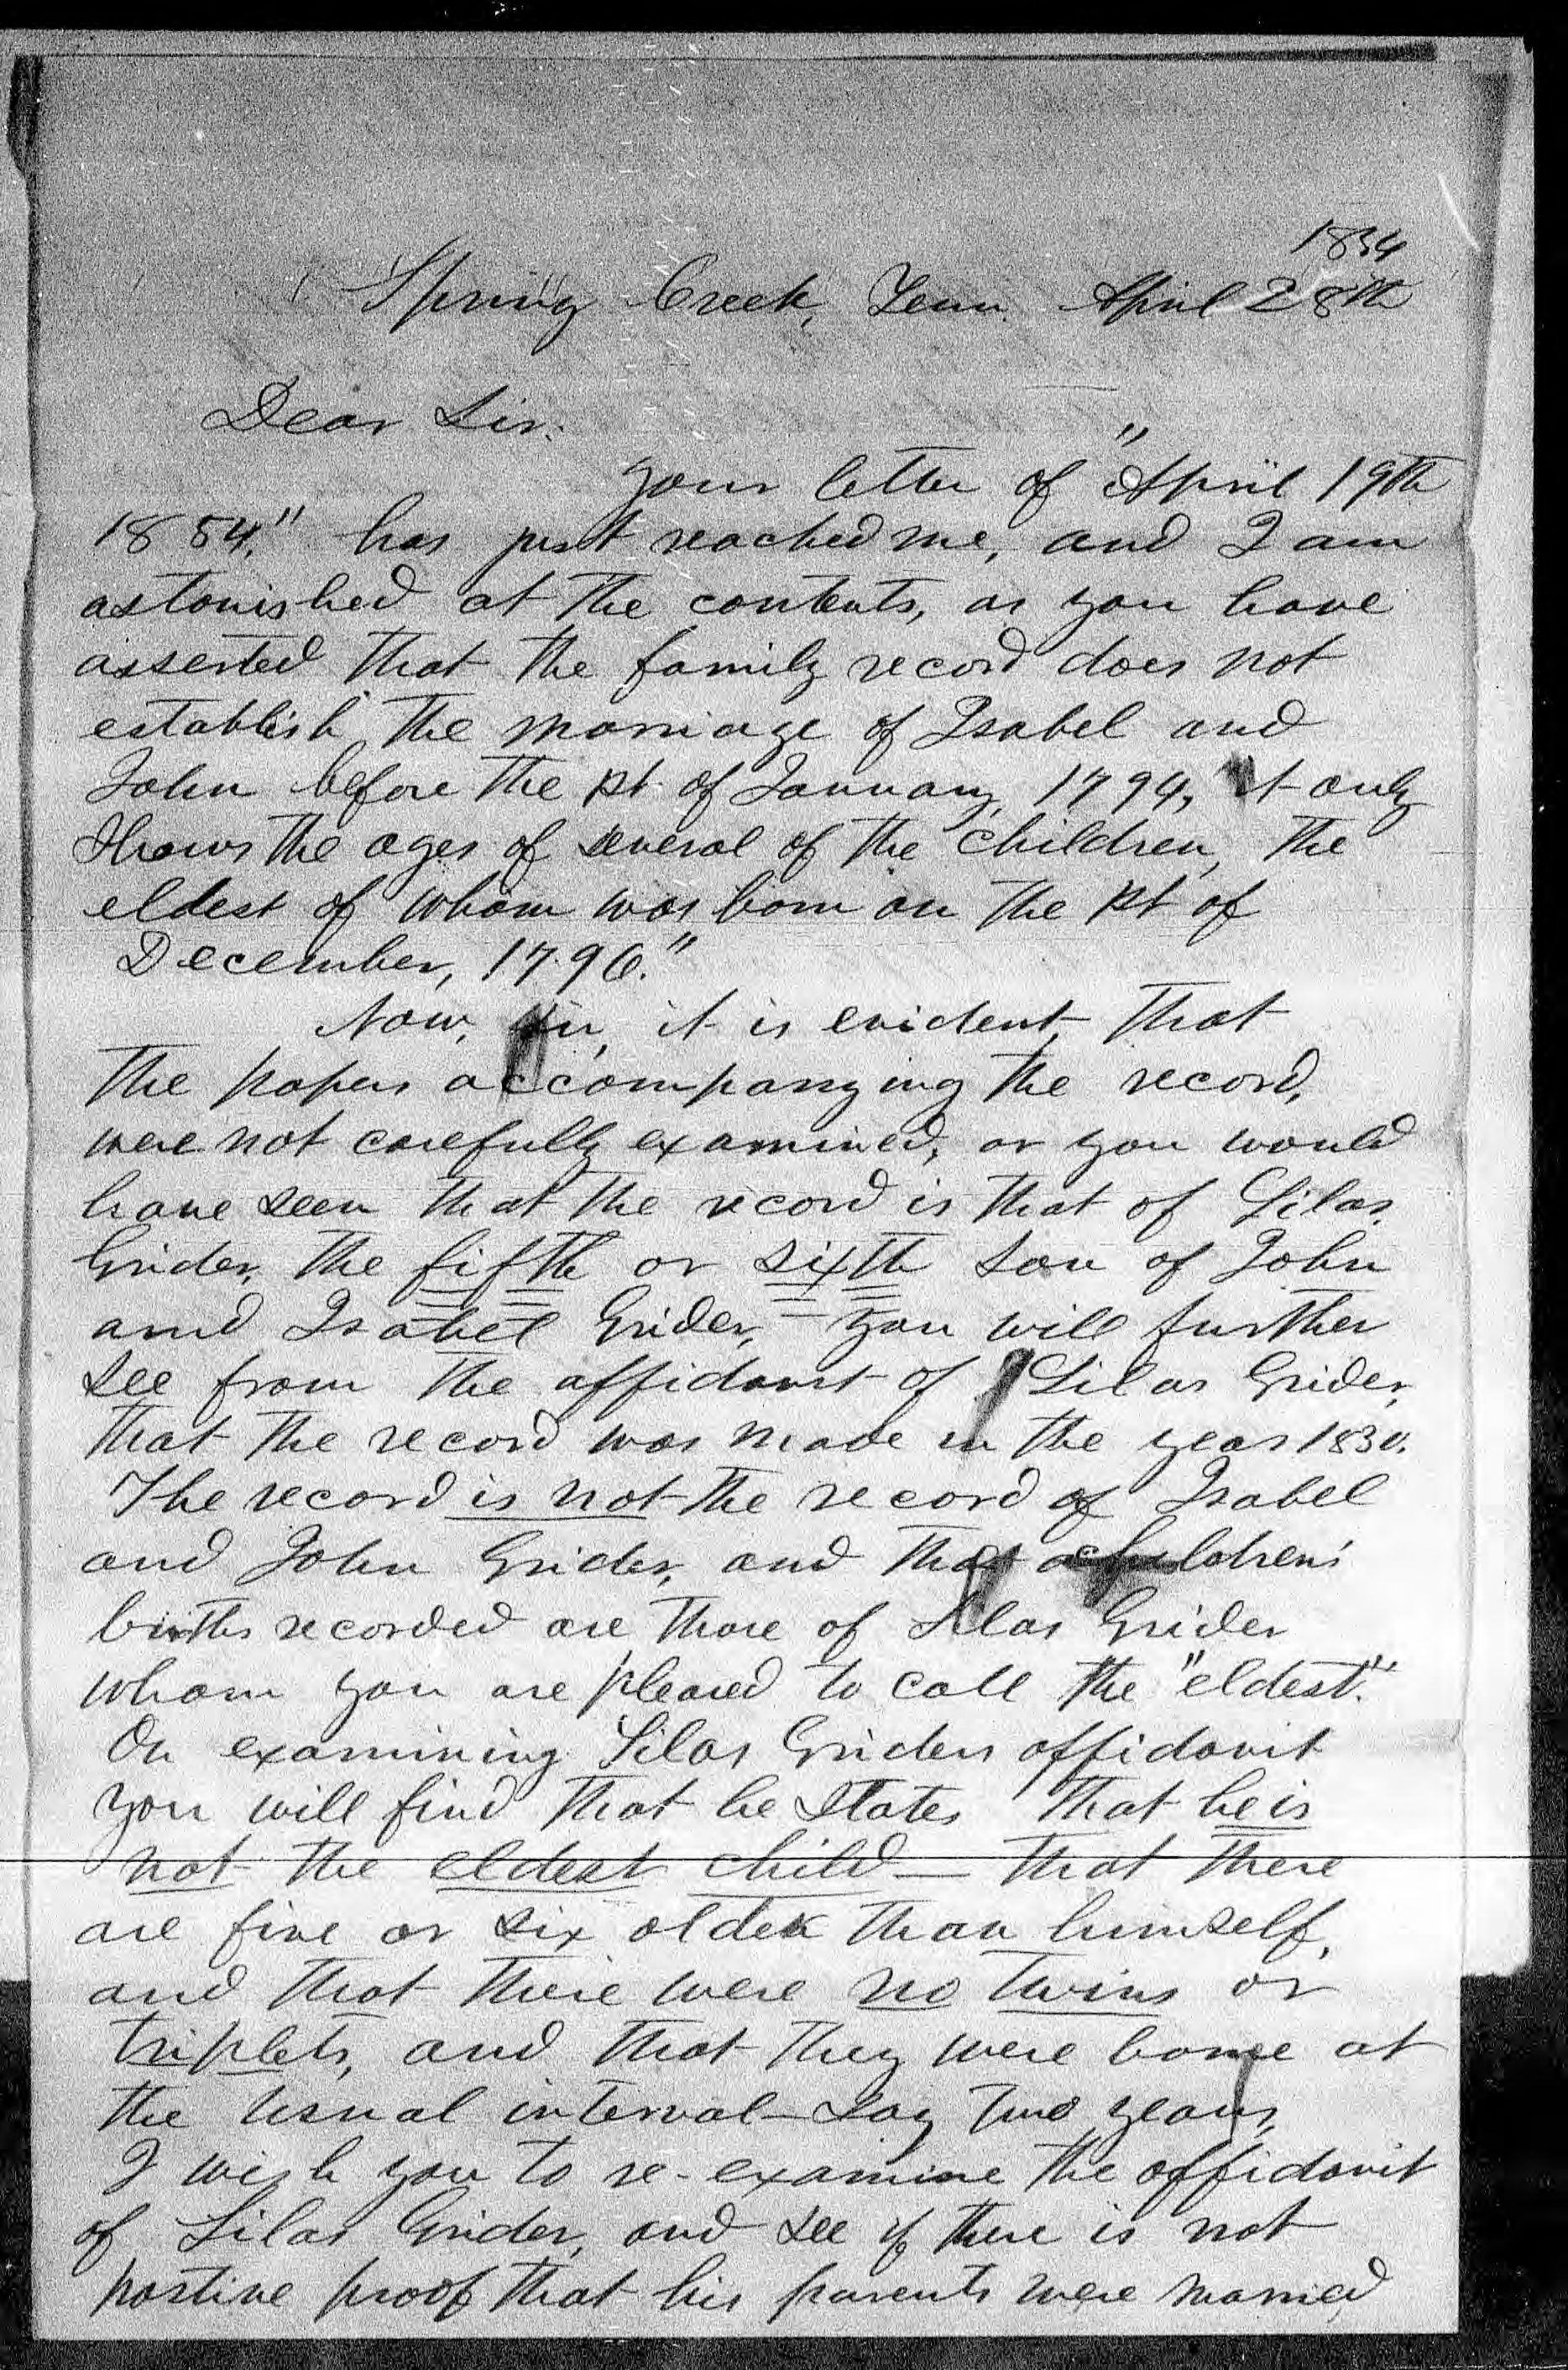Spring Creek Tenn  April 28th 1856

Dear Sir,
     Your letter of "April 19th 1854" has just reached me, and I am astonished at the contents, as you have asserted that the family record does not establish the marriage of Isabel and John before the 1st of January, 1794, if only I  have the ages of several of the children, the eldest of whom was born on the 1st of December, 1796."
     Now, Sir, it is evident that the papers accompanying the record were not carefully examined, or you would have seen that the record is that of Silas Grider, the fifth or sixth son of John and Isabel Grider, you will further see from the affidavit  of Silas Grider, that the record was made in the year 1830. The record is not the record of Isabel and John Grider, and that of children's births recorded are there of Silas Grider whom you are pleased to call the "eldest". On examining Silas Griders affidavit  you will find that he states that he is not the eldest child- that there are five or six older than himself, and that there were no twins or triplets, and that they were born at the usual interval- say two years, I wish you to re-examine the affidavit  of Silas Grider, and see if there is not positive proof that his parents were married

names: Silas Grider, Silas Grider, John Grider, Isabel Grider, Silas Grider, John, John Grider, Silas Grider, Isabel Grider, Silas Grider, Isabel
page: 50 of 91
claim: widow's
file: W 358, John Grider, N.C.